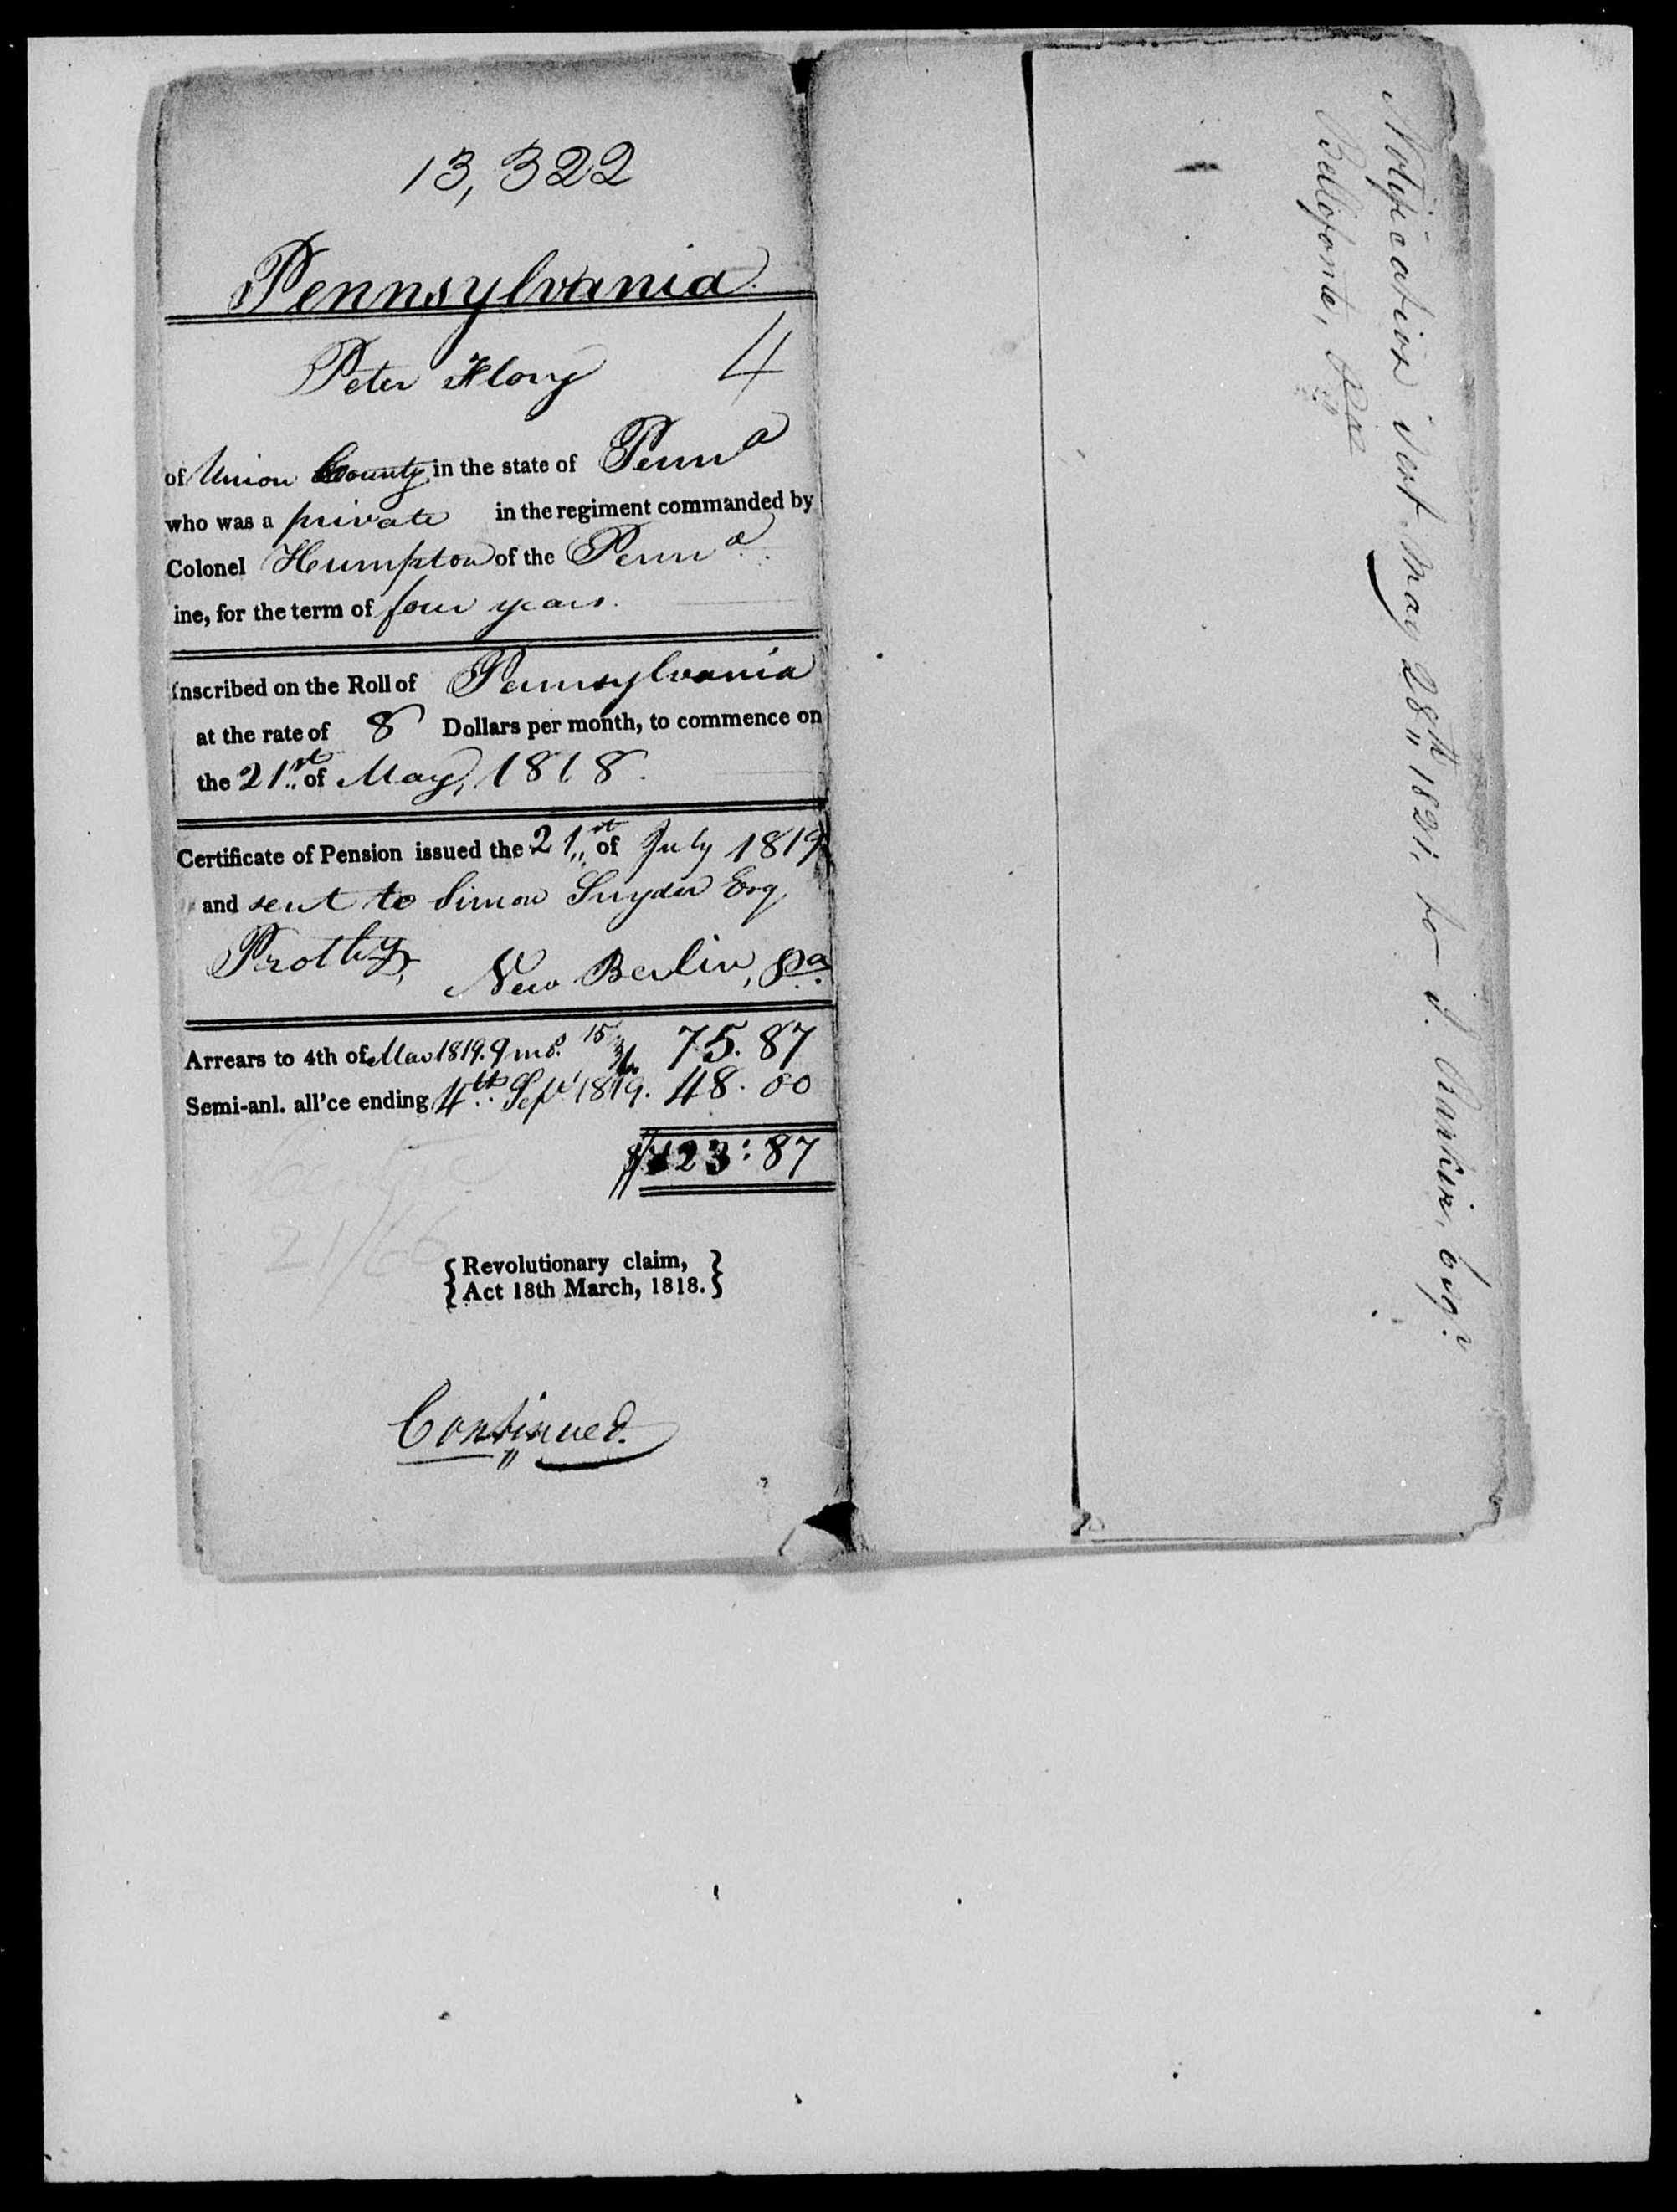13,322
Pennsylvania
Peter Flory
of Union County in the state of Penn who was a private in the regiment commanded by Colonel Humpton of the Penna line, for the term of four years.
Inscribed on the Roll of Pennsylvania at the rate of 8 Dollars per month, to commence of the 21st of May, 1818.
Certificate of Pension issued the 21st of July 1819 and sent to Simon Snyder Esq. Prothy, New Berlin, Pa.
Arrears to 4th of Mar 1819. 9 mo. 15 .. 75.87
Semi-anl. all'ce ending 4th Sept 1819. 48.00
                                                             ______
                                                            $123.87

{Revolutionary claim, Act 18th March, 1818.}
Continued.
Notification sent May 28th 1821 Hon J. Rankin, Esq.
Bellafonte, PA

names: Peter Flory, Humpton, J Barker, Simon Snyder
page: 2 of 11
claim: survivor's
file: S. 42,197, Peter Flory, Penn.